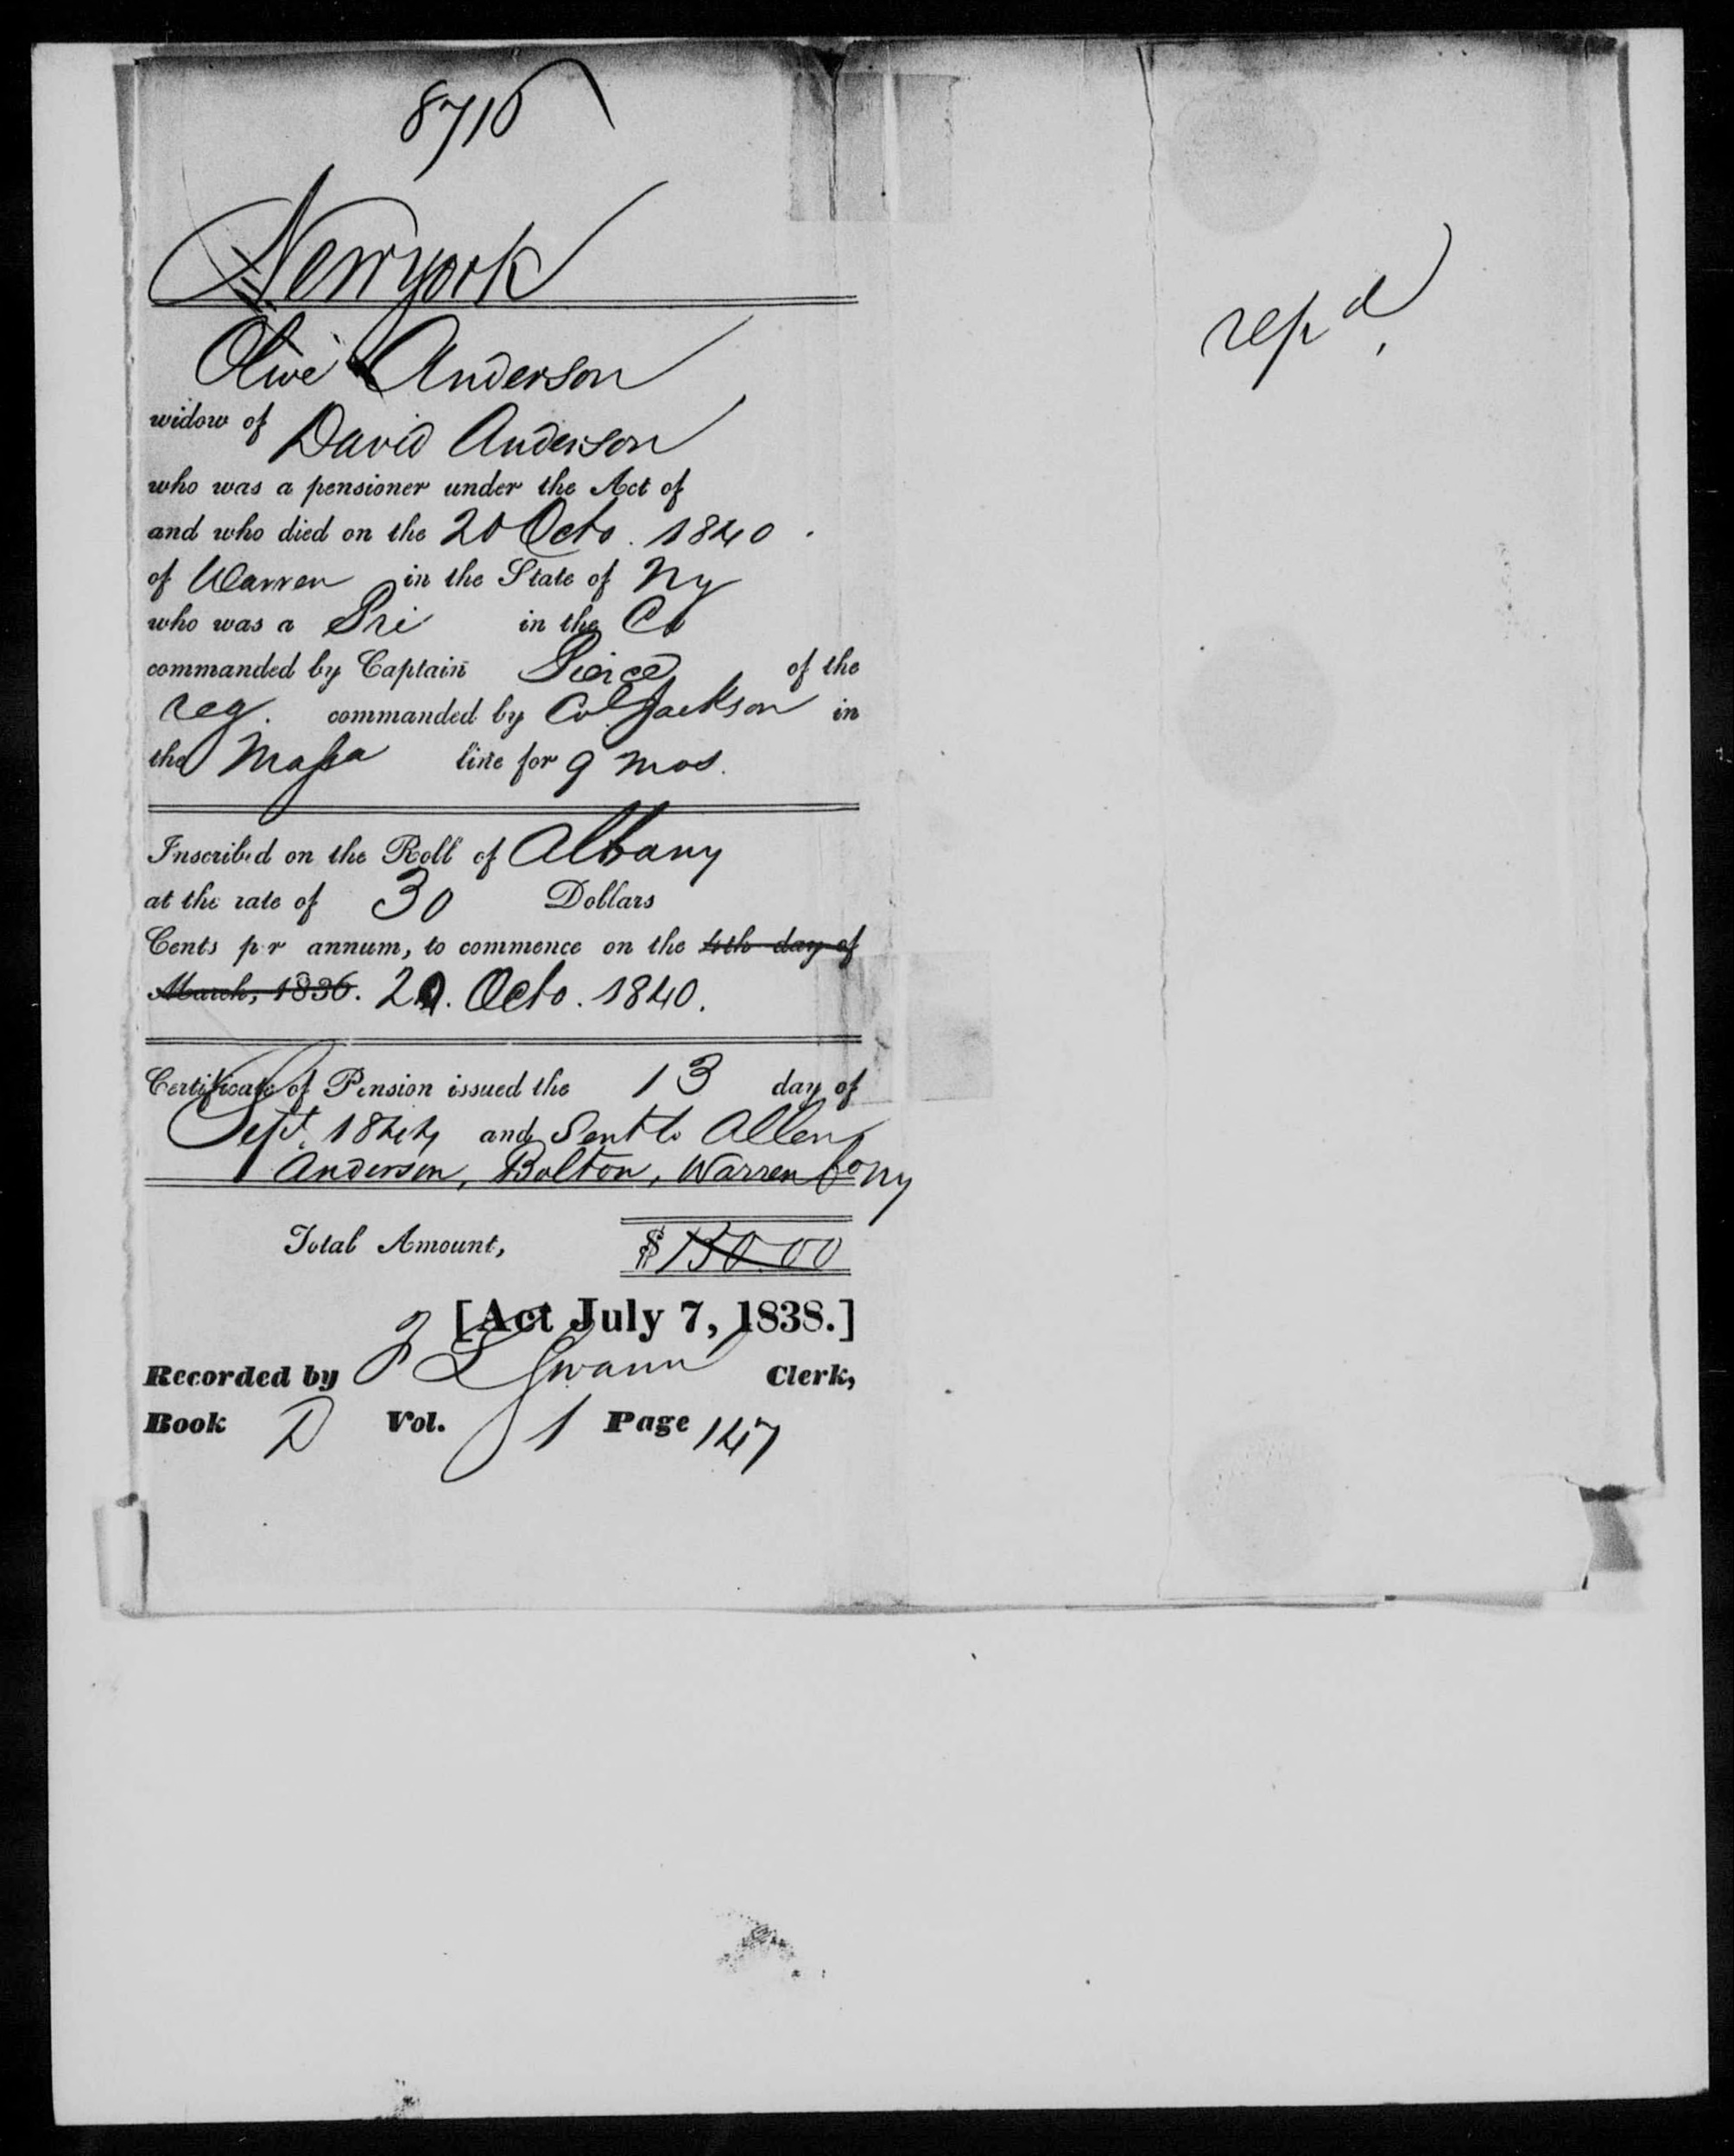8710
New York
Olive Anderson
widow of David Anderson
who was a pensioner under the Act of
and who died on the 20 Octo 1840
of Warren in the State of NY
who was a Pri in the []
commanded by Captain Pierce of the
Reg. commanded by Col Jackson in
the Massa line for 9 mos
-
Inscribed on the Roll of Albany
at the rate of 30 Dollars
Cents per annum, to commence on the [crossed out "4th day of March, 1836"]
20 Octo. 1840.
Certificate of Pension issued the 13 day of
Sept 1844 and sent to Allen
Anderson, Bolton, Warren Co NY
Total Amount,  [crossed out $130.00]
[Act July 7, 1838.]
Recorded by FL Swann Clerk,
Book D Vol. 1 Page 147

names: Allen Anderson, Olive Anderson, David Anderson, Jackson, F L Swann, Pierce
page: 23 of 39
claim: widow's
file: W. 20624, David Anderson, Mass